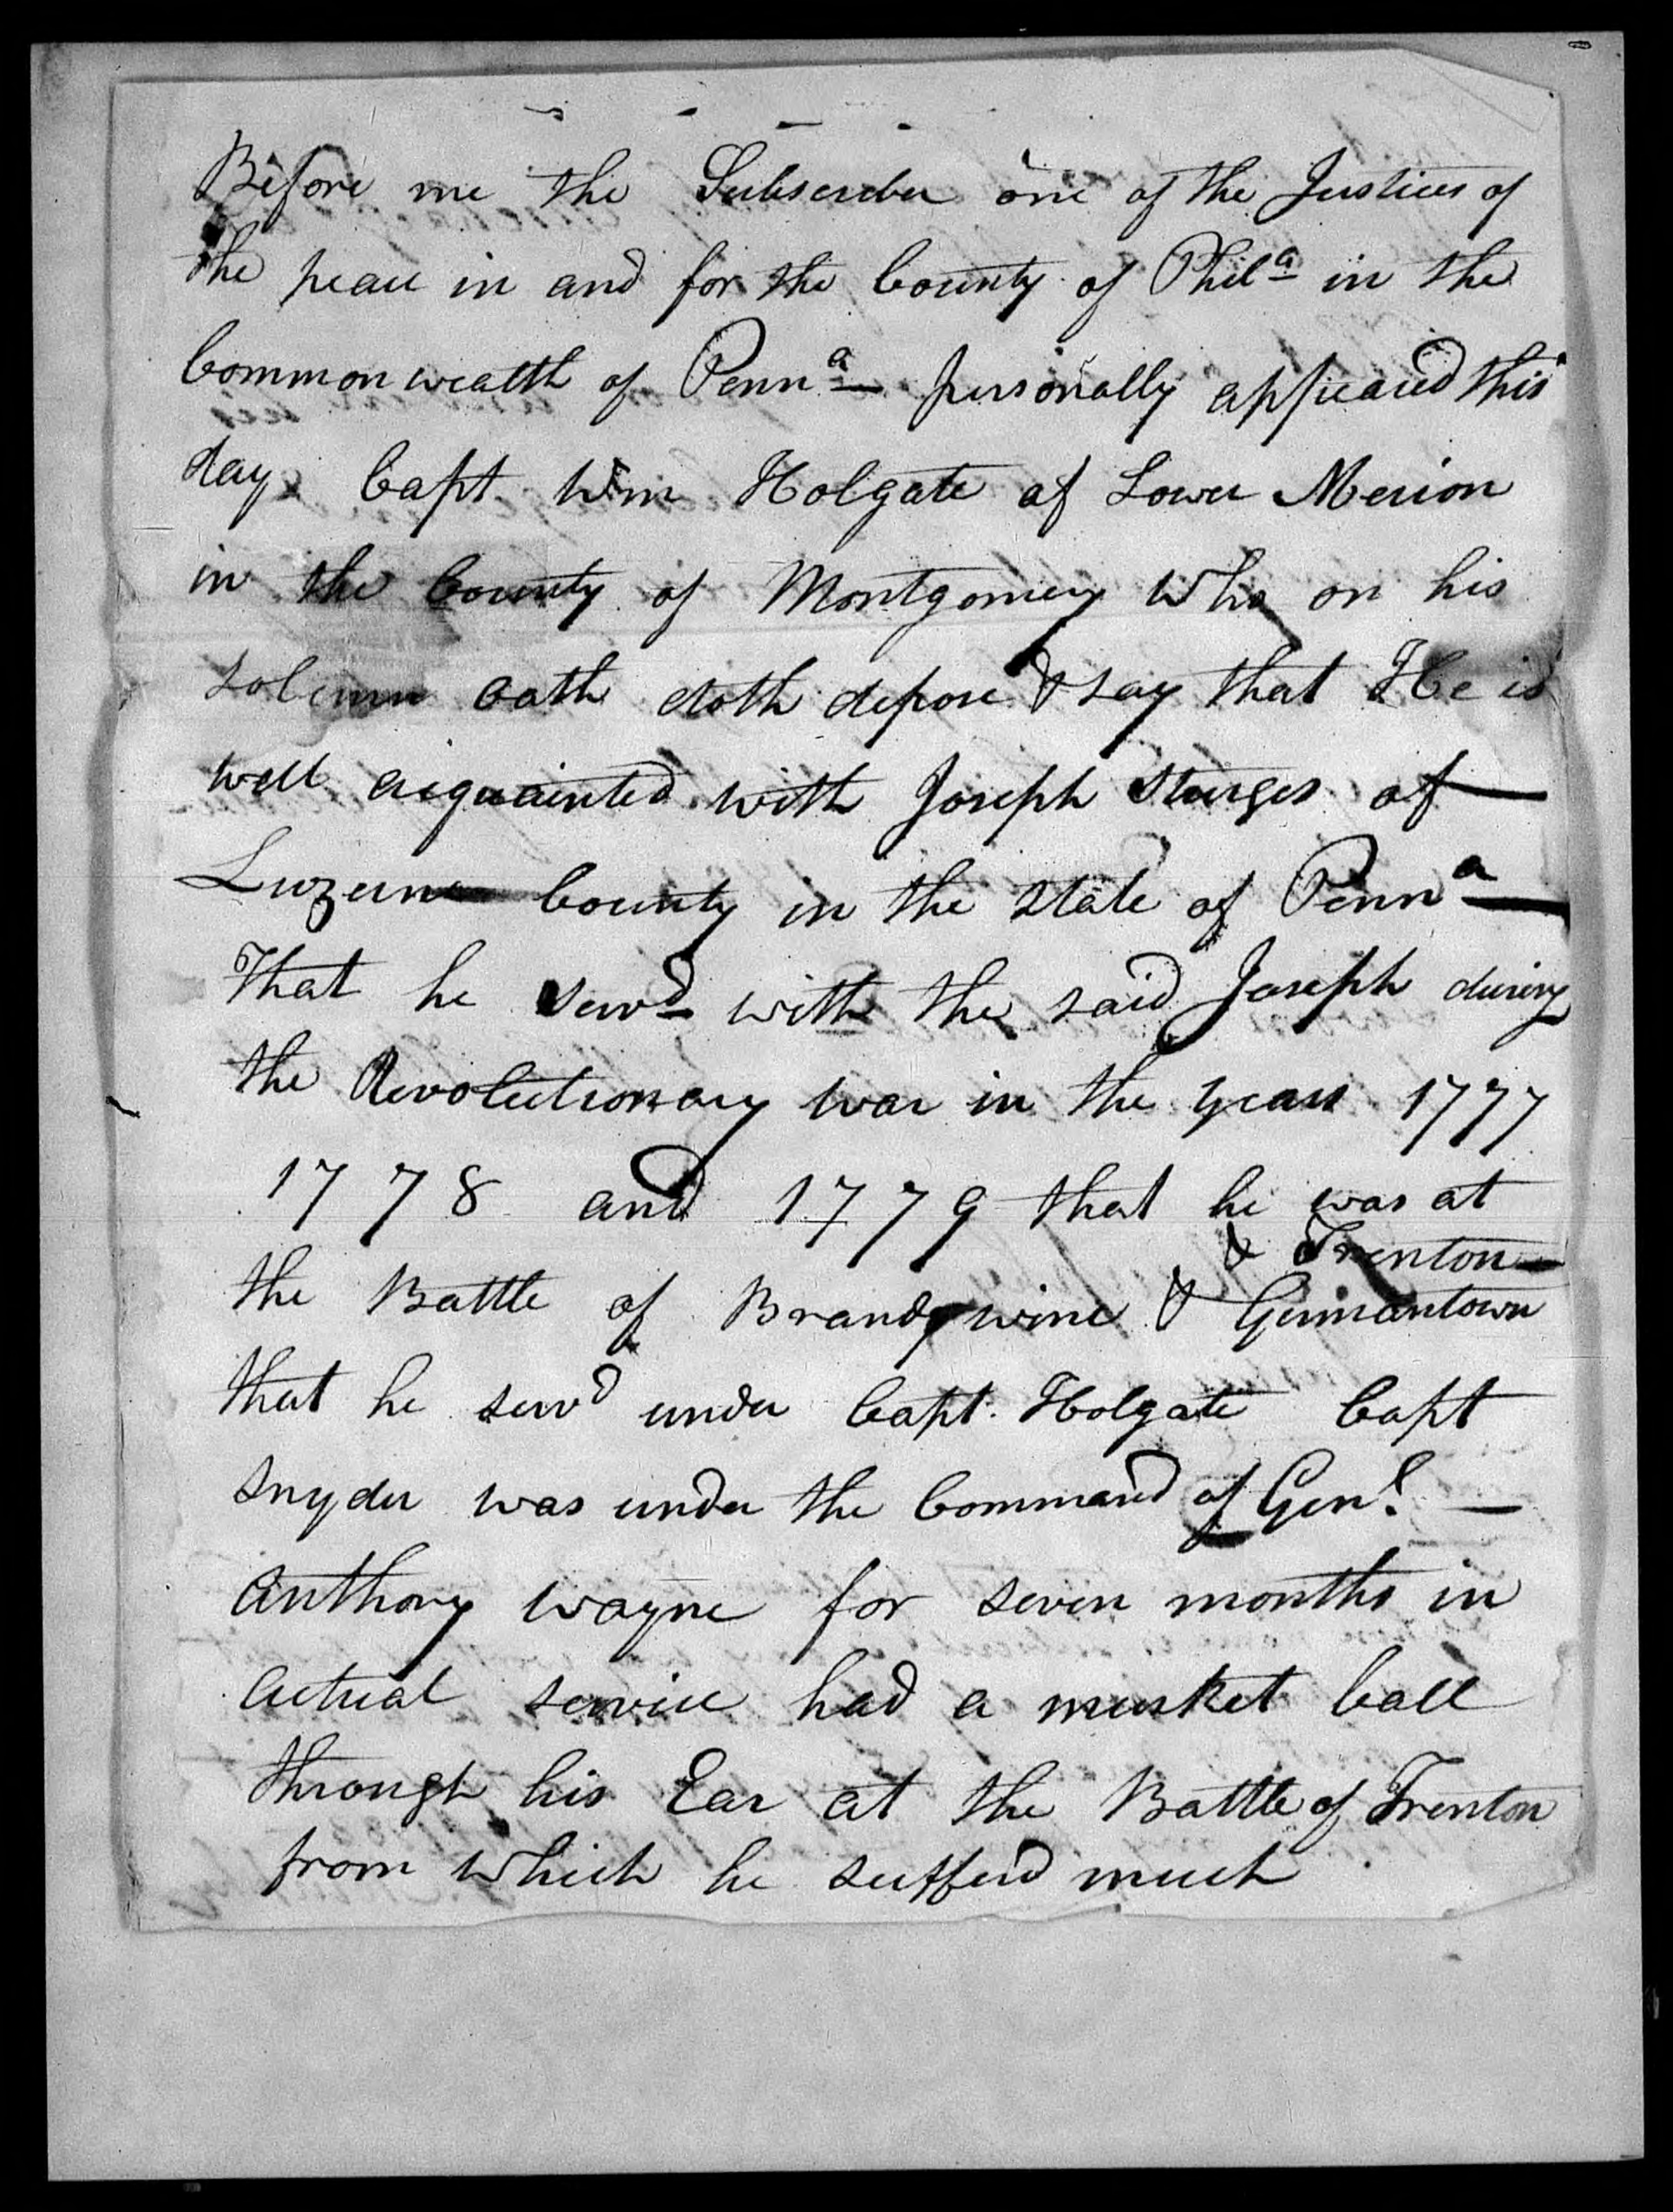Before me the Subscriber one of the Justices of peace in and for the County of Phil’a in the Commonwealth of Penn’a personally appeared this day Capt Wm Holgate of Lower Merion in the County of Montgomery who solemn oath doth depose & say that he is well acquainted with Joseph Sturges of Luzerne County in the State of Penn’a That he served with the said Joseph during the Revolutionary war in the years 1777 1778 and 1779 that he was at the Battle of Brandywine & Germantown & Trenton -  that he served under Capt. Holgate Capt Snyder was under the command of Genl - Anthony Wayne for Seven months in actual service had a musket ball through his Ear at the Battle of Trenton from which he suffered much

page: 9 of 31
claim: survivor's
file: S. 6154, for Joseph Sturgis, Pennsylvania